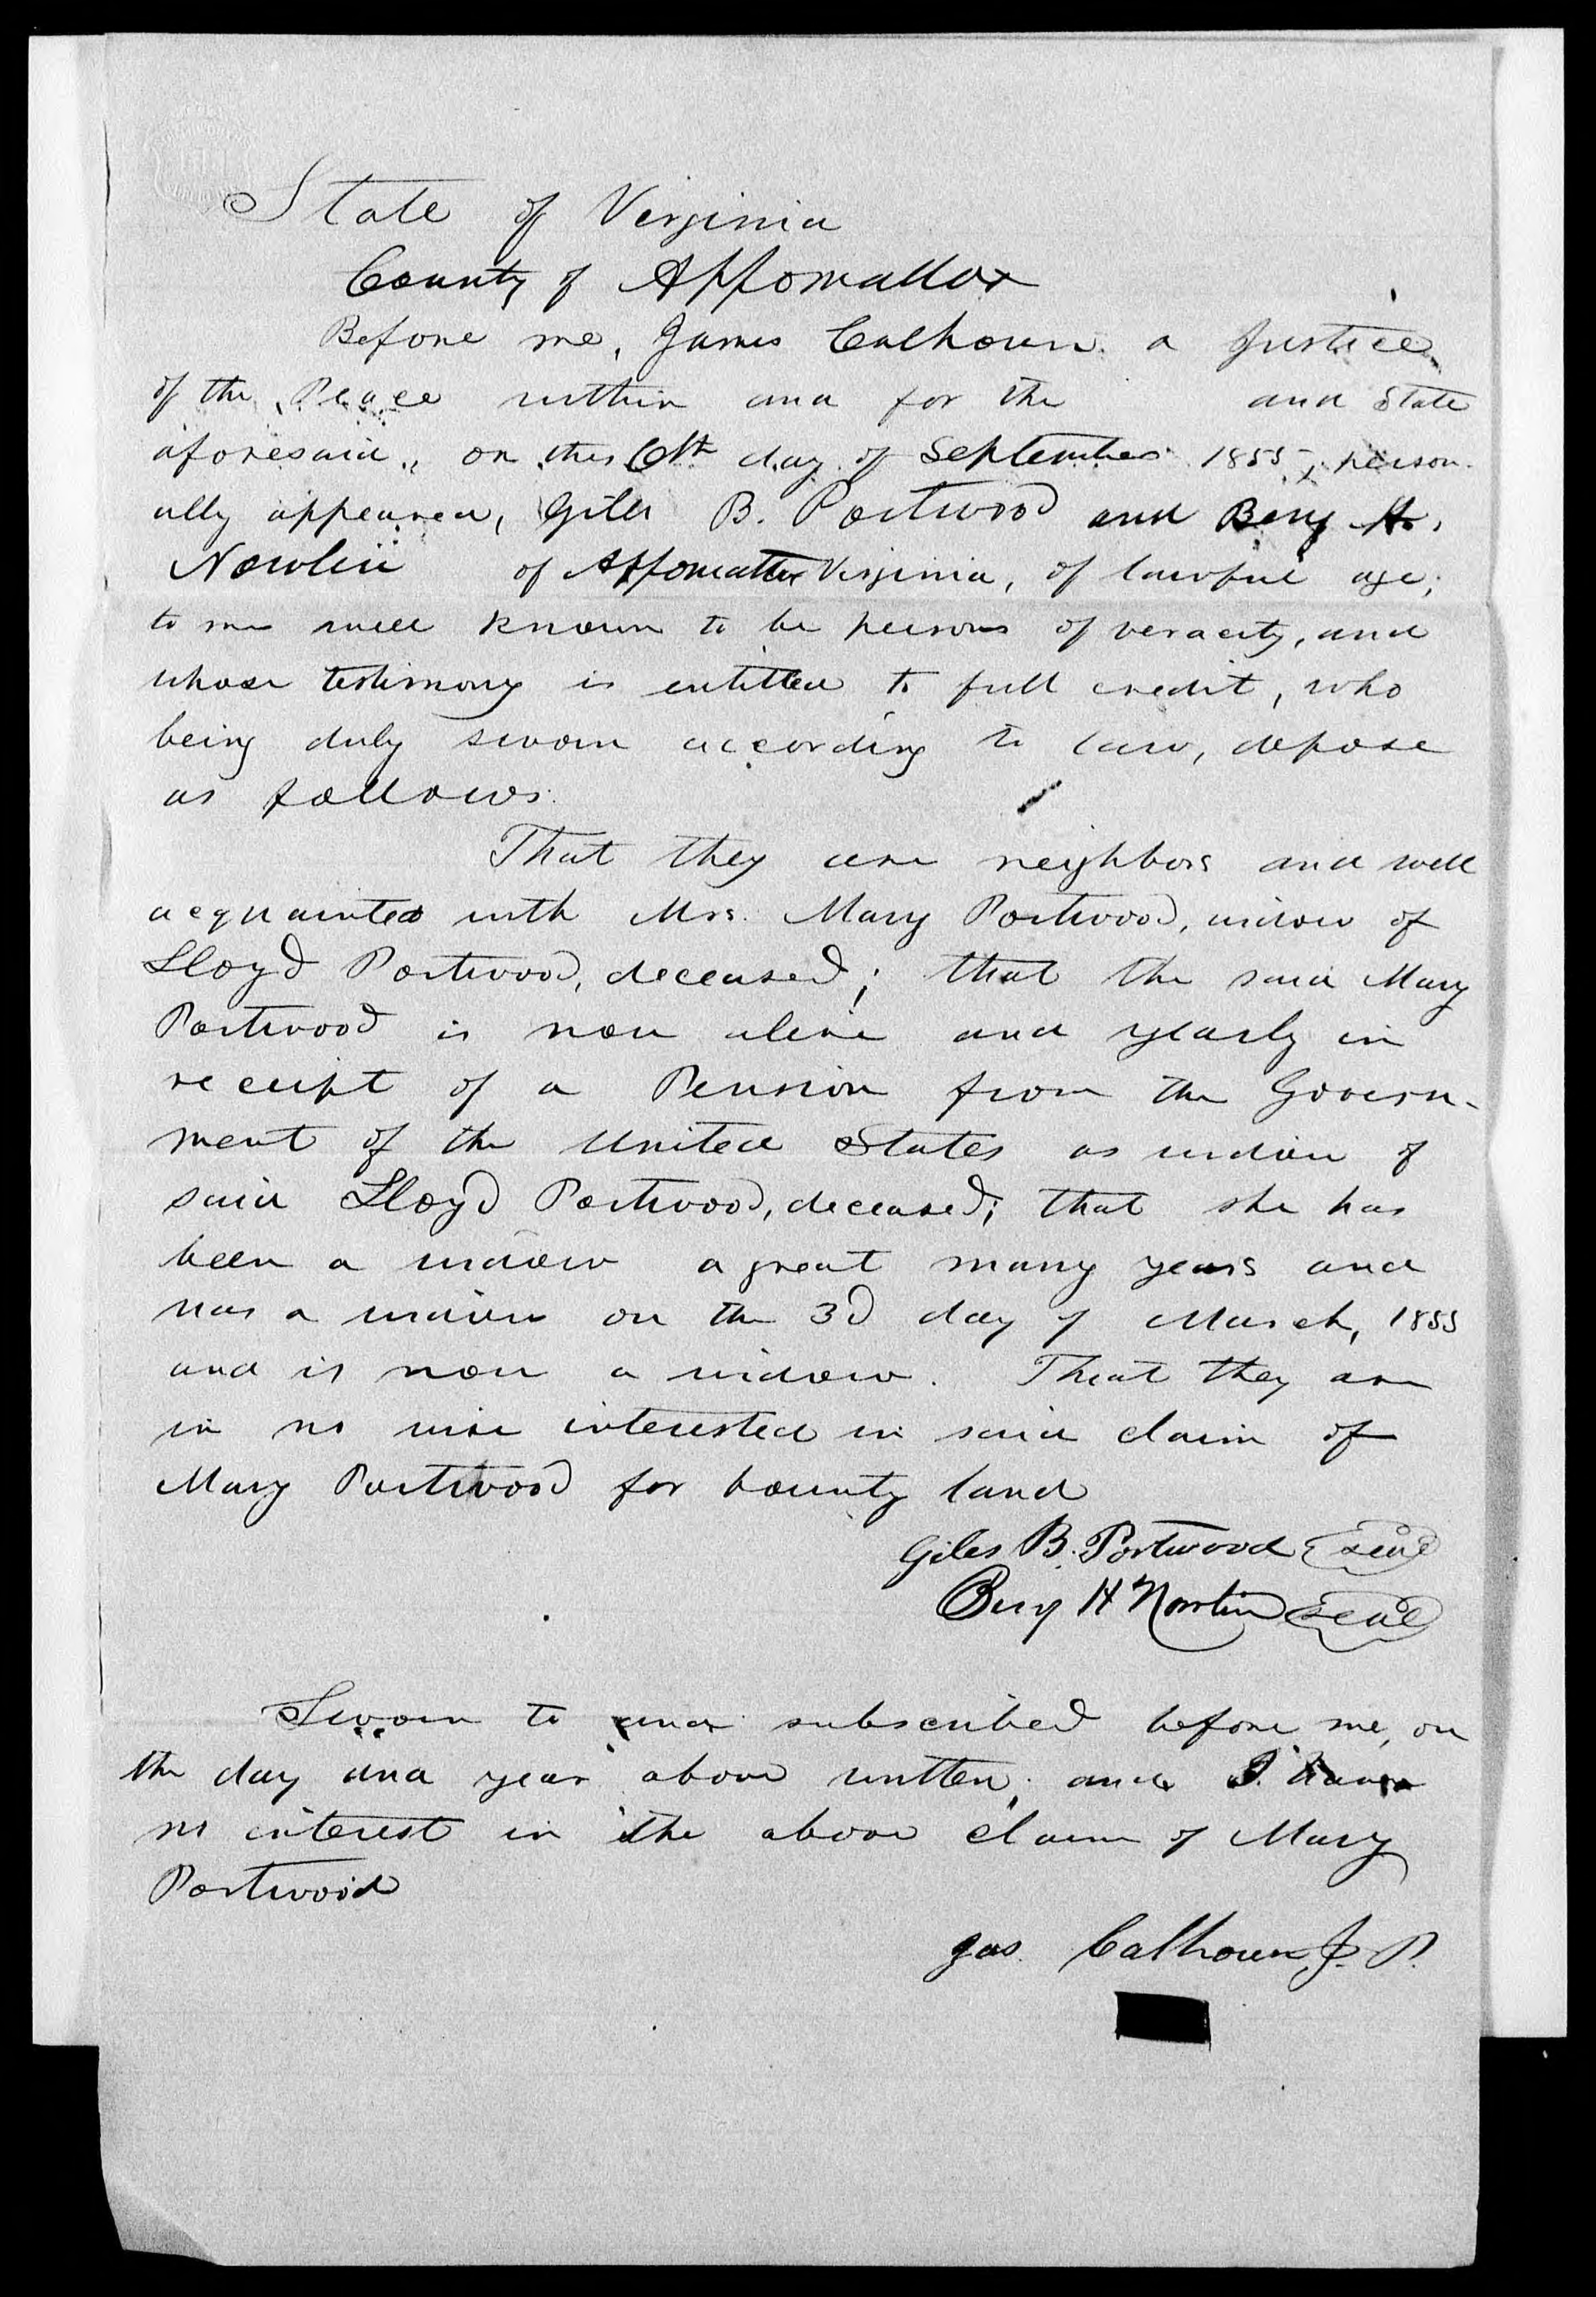State of Virginia
County of Appomattox
Before me, James Calhoun, a Justice
of the Peace within and for the [blank] and State
aforesaid,, on this 6th day of September 1855 personally
appeared, Giles B. Portwood and Benj H,
Nowlin of Appomattox Virginia, of lawful age;
to me well known to be persons of veracity, and
whose testimony is entitled to full credit, who
being duly sworn according to law, depose
as follows:
That they are neighbors and well
acquainted with Mrs. Mary Portwood, widow of
Lloyd Portwood, deceased; that the said Mary
Portwood is now alive and yearly in
receipt of a Pension from the Government
of the United States as widow of
said Lloyd Portwood, deceased; that she has
been a widow a great many years and
was a widow on the 3d day of March, 1855
and is now a widow. That they are
in no wise interested in said claim of
Mary Portwood for bounty land
Giles B. Portwood seal
Benj H Nowlin seal
Sworn to and subscribed before me, on
the day and year above written; and I have
no interest in the above claim of Mary
Portwood
| Jas. Calhoun J.P.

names: Giles B Portwood; Mary Portwood; Benj H Nowlin; Lloyd Portwood; Jas Calhoun; James Calhoun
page: 36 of 50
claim: widow's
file: W. 1929, for Lloyd Portwood, Virginia